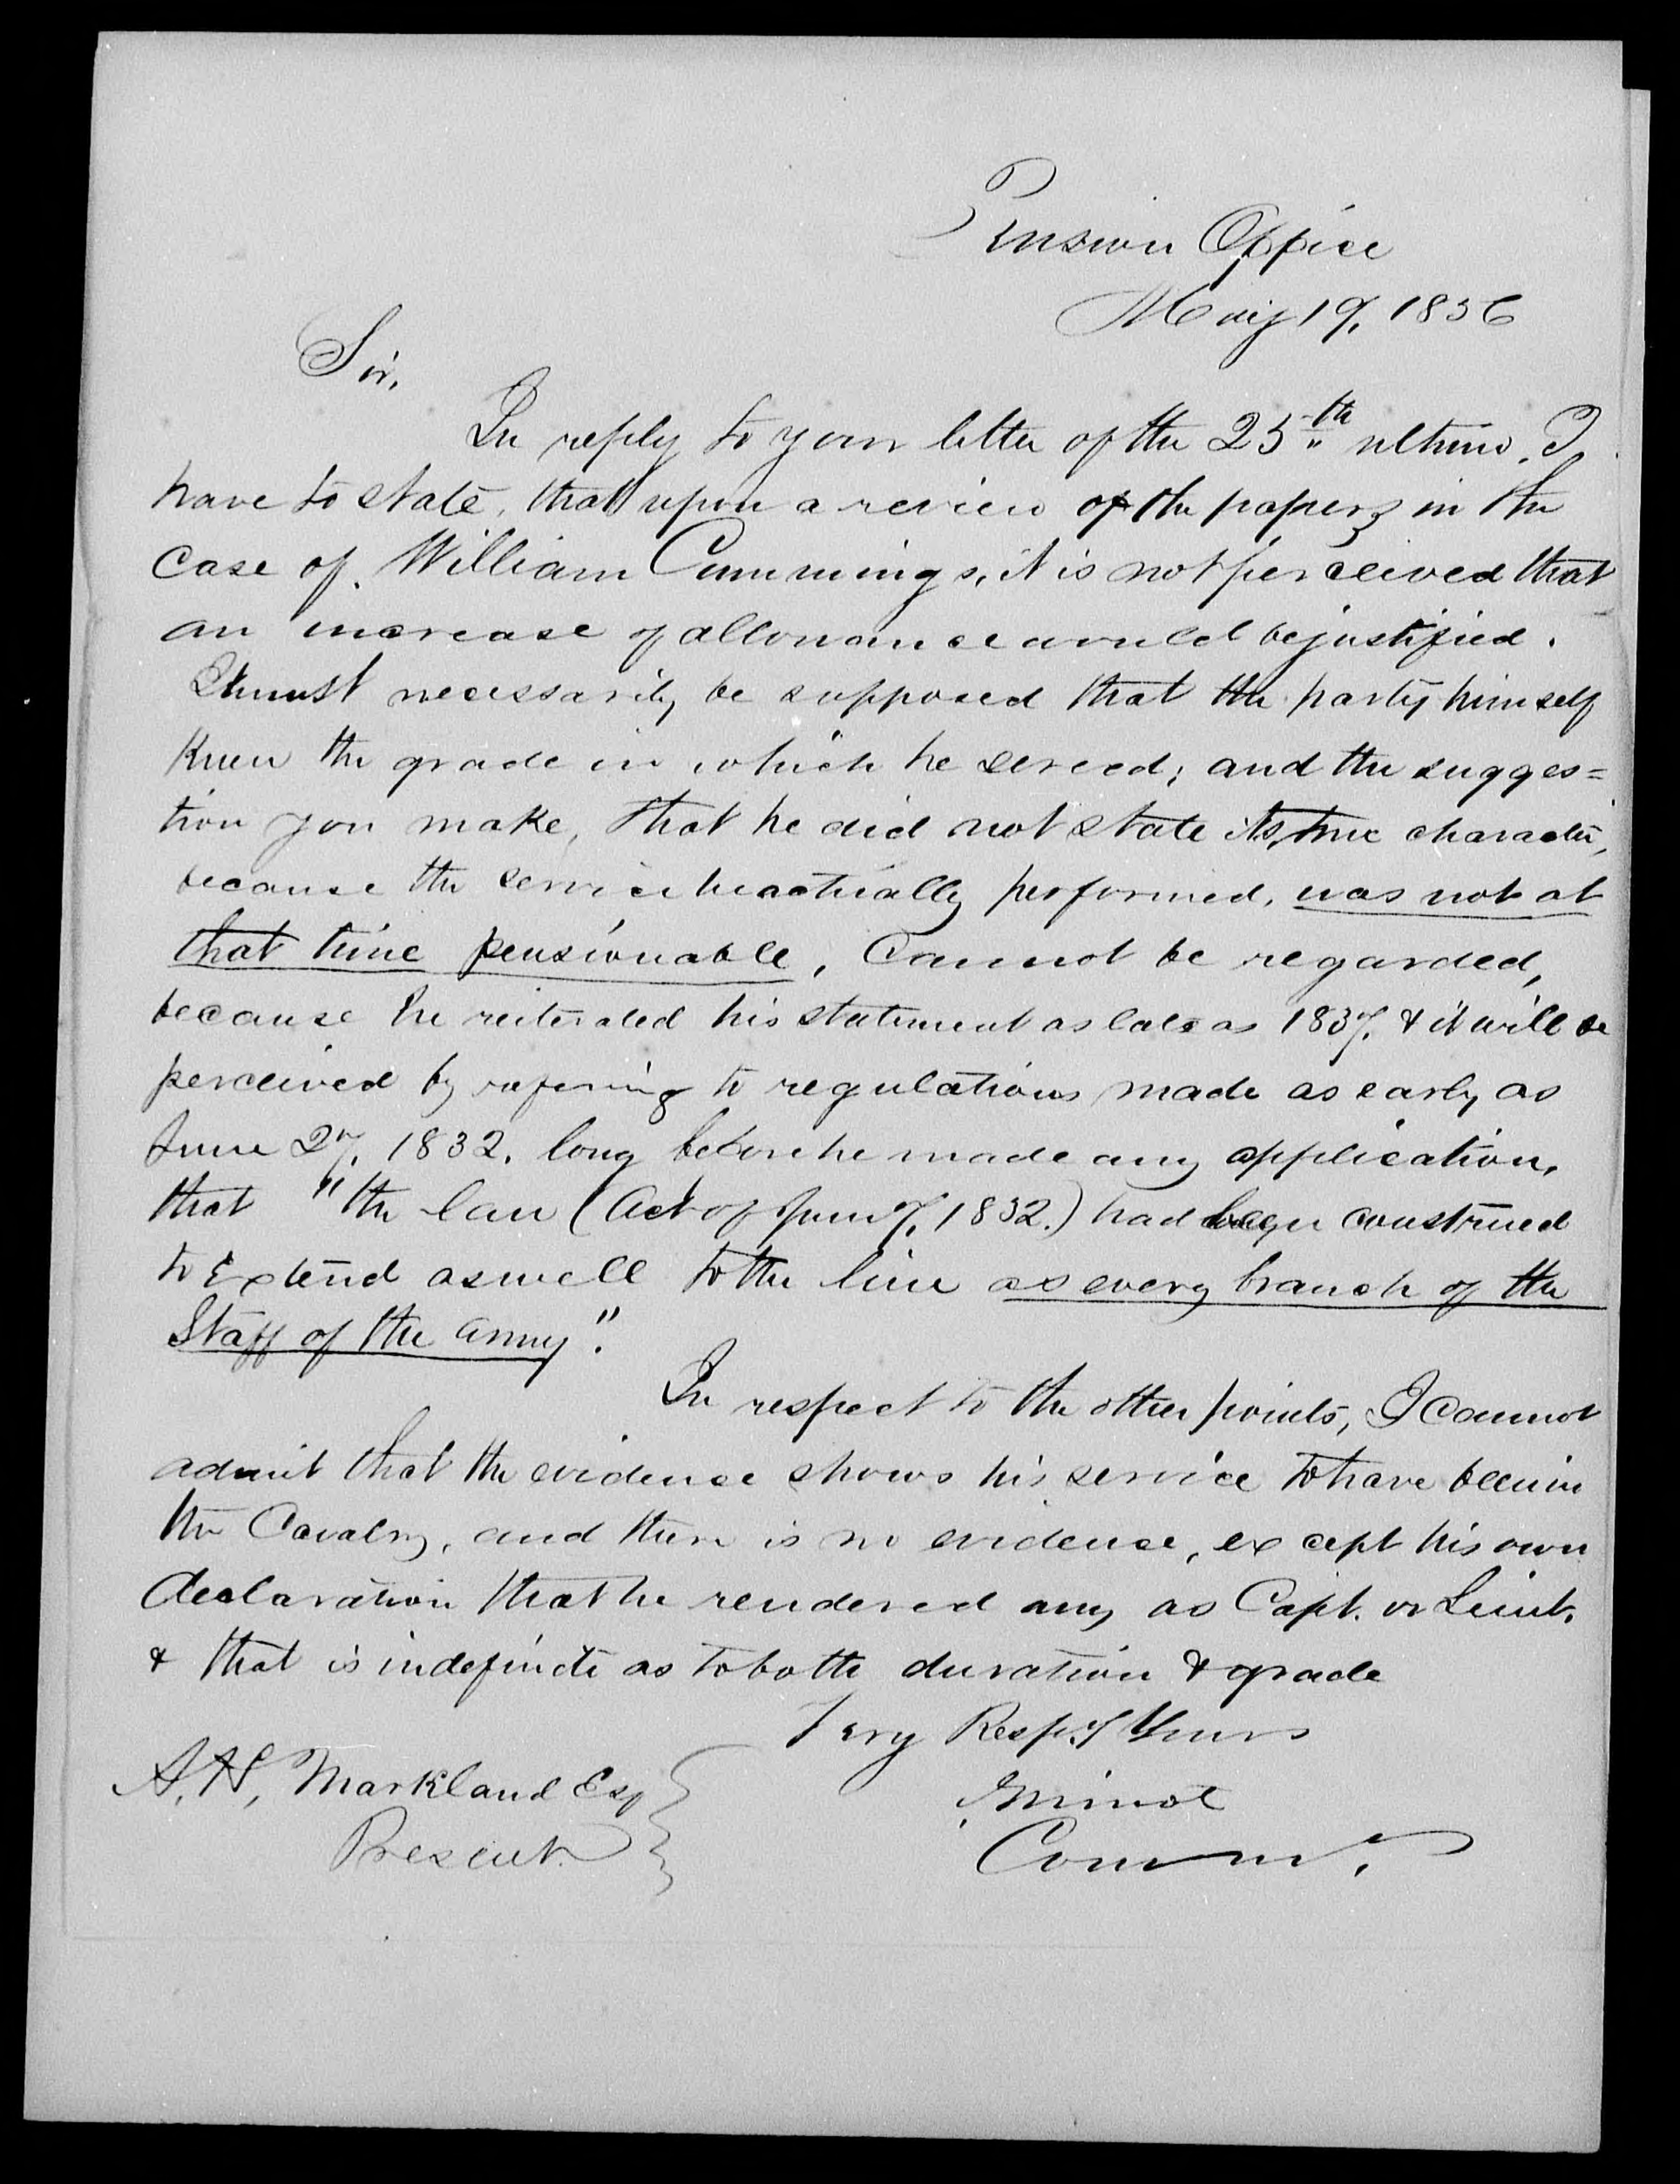[Handwritten letter.  Occasional spacing has been included, to make the long text easier to read.]

Pension Office
May 19, 1856

Sir,

In reply to your letter of the 25th [here the following word could be "returned," or "within,"] I have to state, that upon a review of the papers in the case of William Cummings, it is not perceived that an increase of allowance would be justified.

 Itmust [It must] necessarily be supposed that the party himself Knew the grade in which he served, and the suggestion you make, that he did not state it.s true character, because the service actually performed, [here the next six words are underlined:] was not at that time pensionable, Cannot be regarded, because he reiterated his statement as late as 1837,

and it will be perceived by refering [or referring] to regulations made as early as June 27, 1832, long before he made any application, that "the law (Act of June 7, 1832.) had been [?] mistrued to Extend as well to the line [here the following nine words are underlined:] as every branch of the Staff of the Army".

In respect to the other points, I cannot admit that the evidence shows his service to have been in the Cavalry, and there is no evidence, except his own Declaration that he rendered any as Capt. or Lieut, and that is indefinite as to both duration and grade

Very Resp.y [Respectfully] Yours 
Minot [or J Minot] 
Commr. [Commissioner]

A. H. Markland Esq)
[?] Prescutr. [? Prosecutor]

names: J Minot, William Cummings, A H Markland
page: 37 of 145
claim: survivor's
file: S. 8265, William Cumming, N.C.